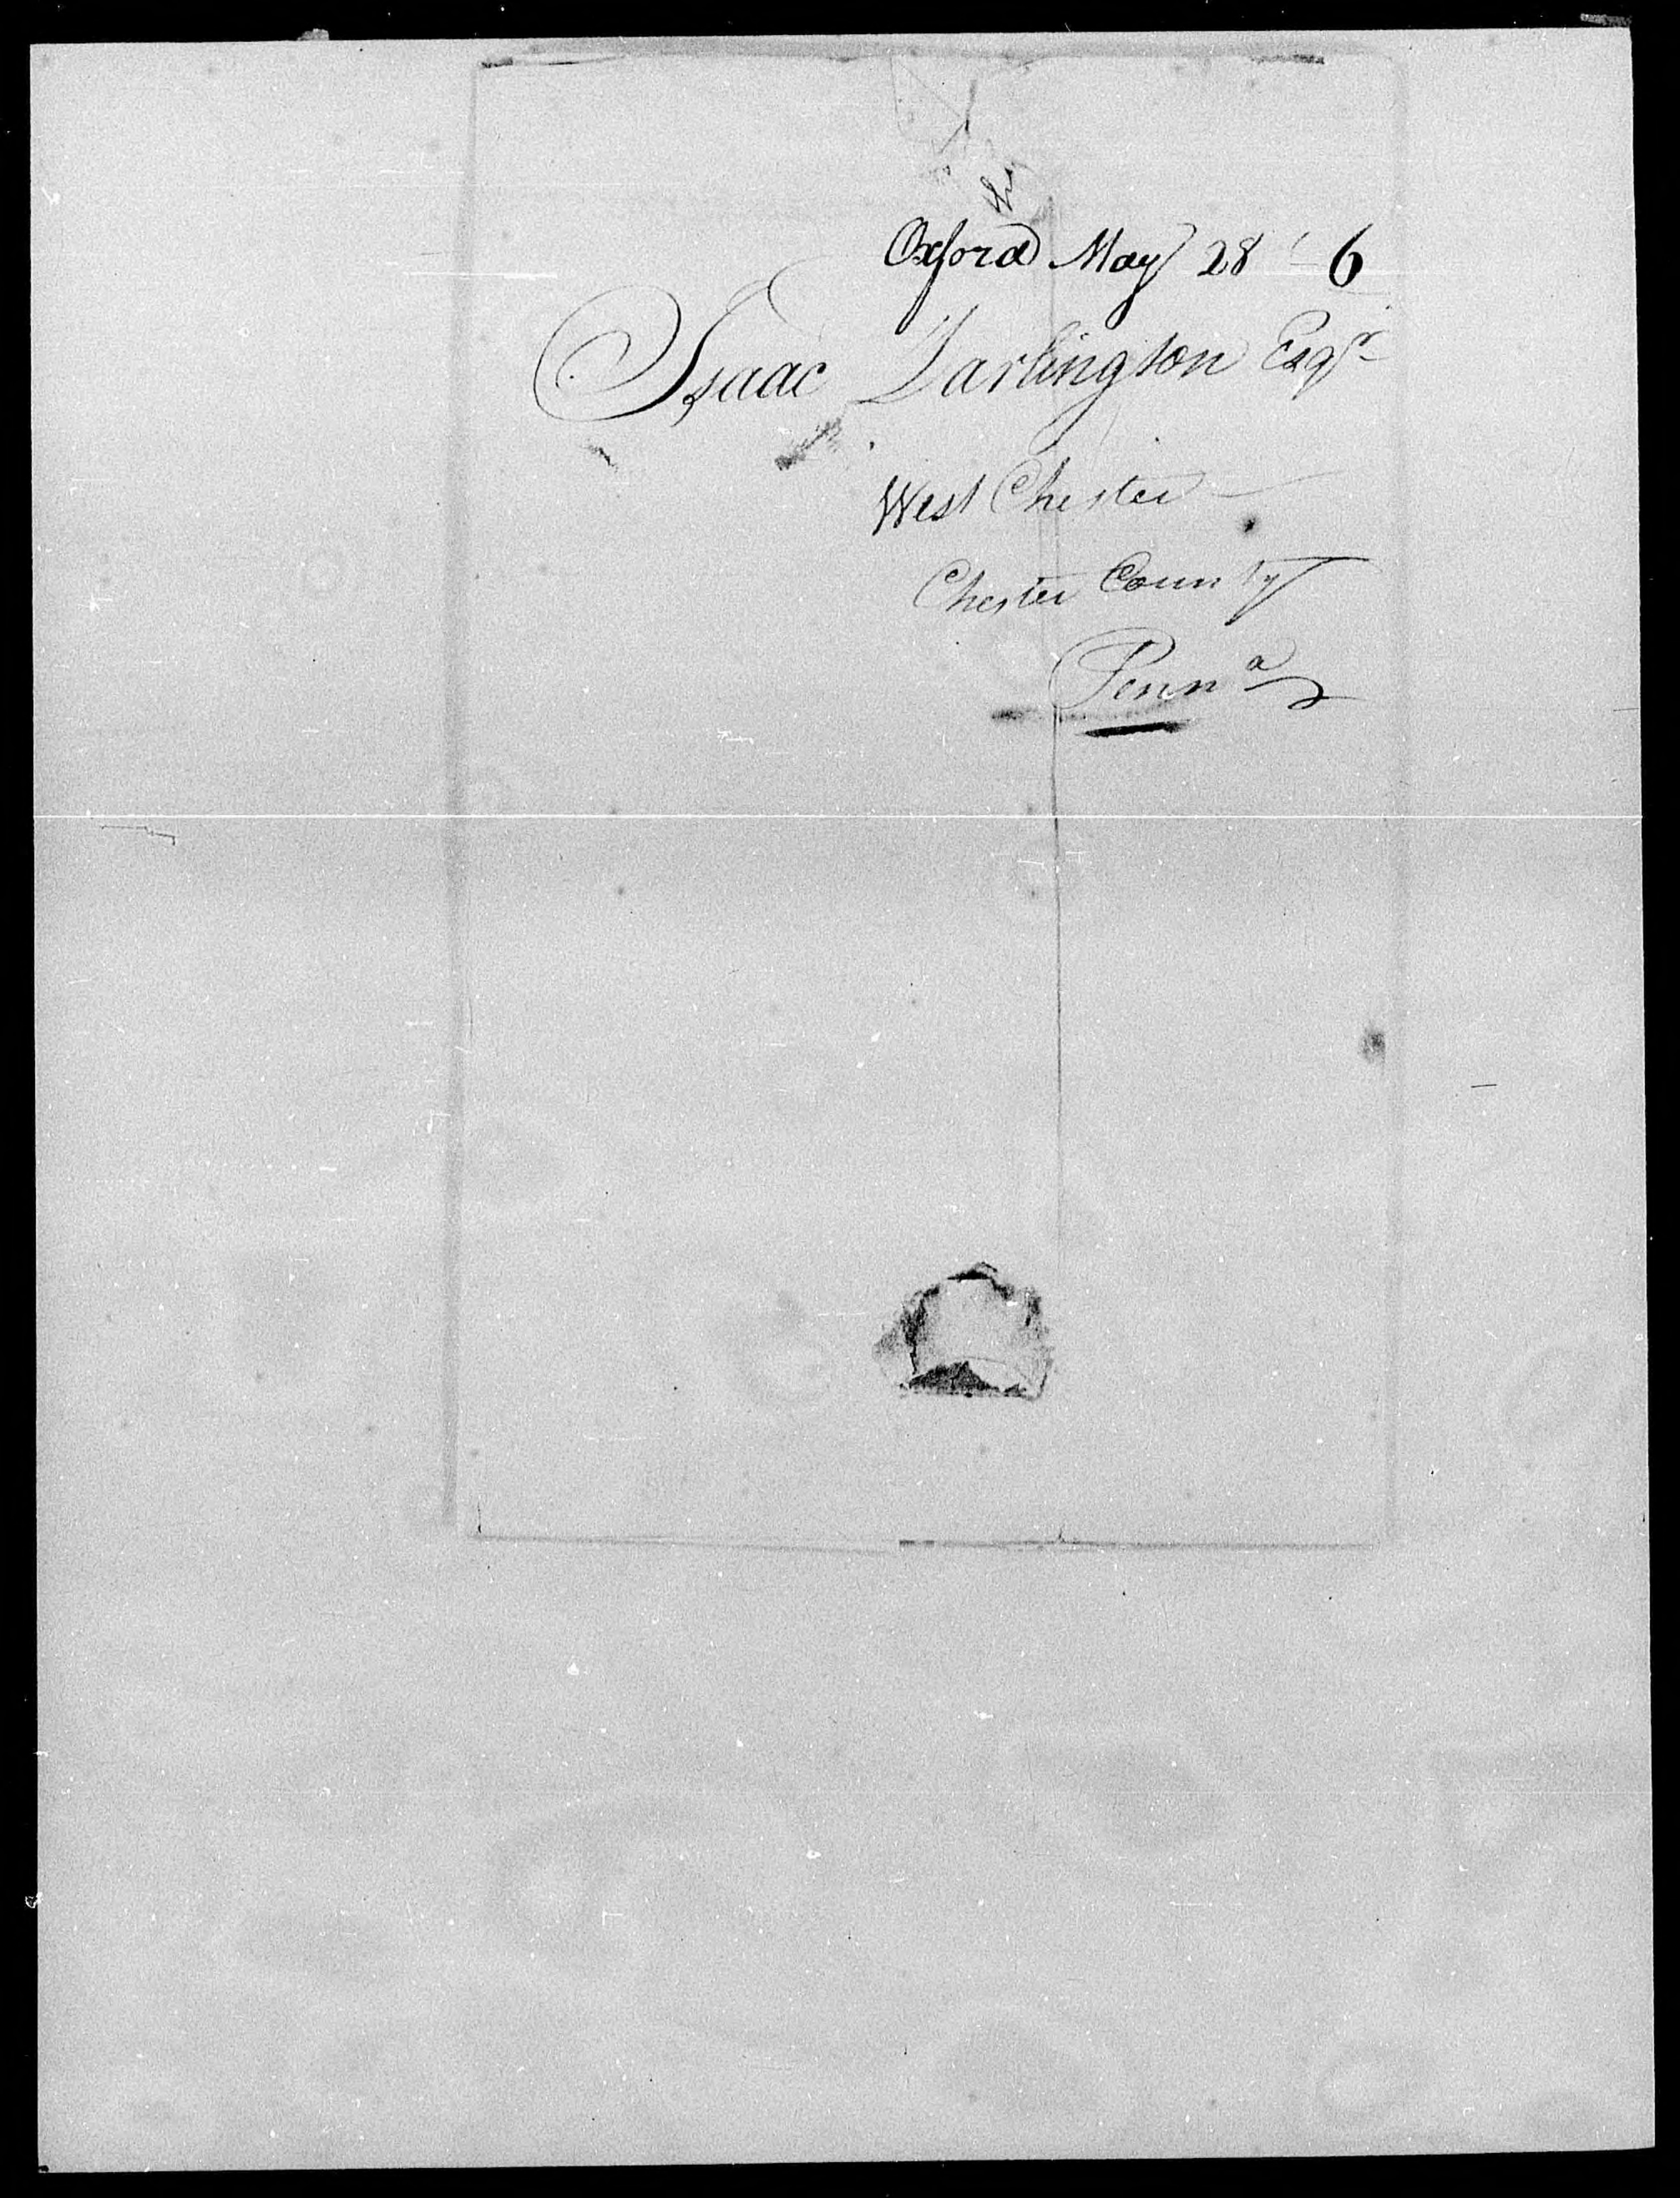Oxford May 28                6

Isaac Darlington Esqr
   West Chester
   Chester County
   Penna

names: Isaac Darlington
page: 52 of 63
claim: widow's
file: W 2957, for Thomas Mc Dowell, Maryland